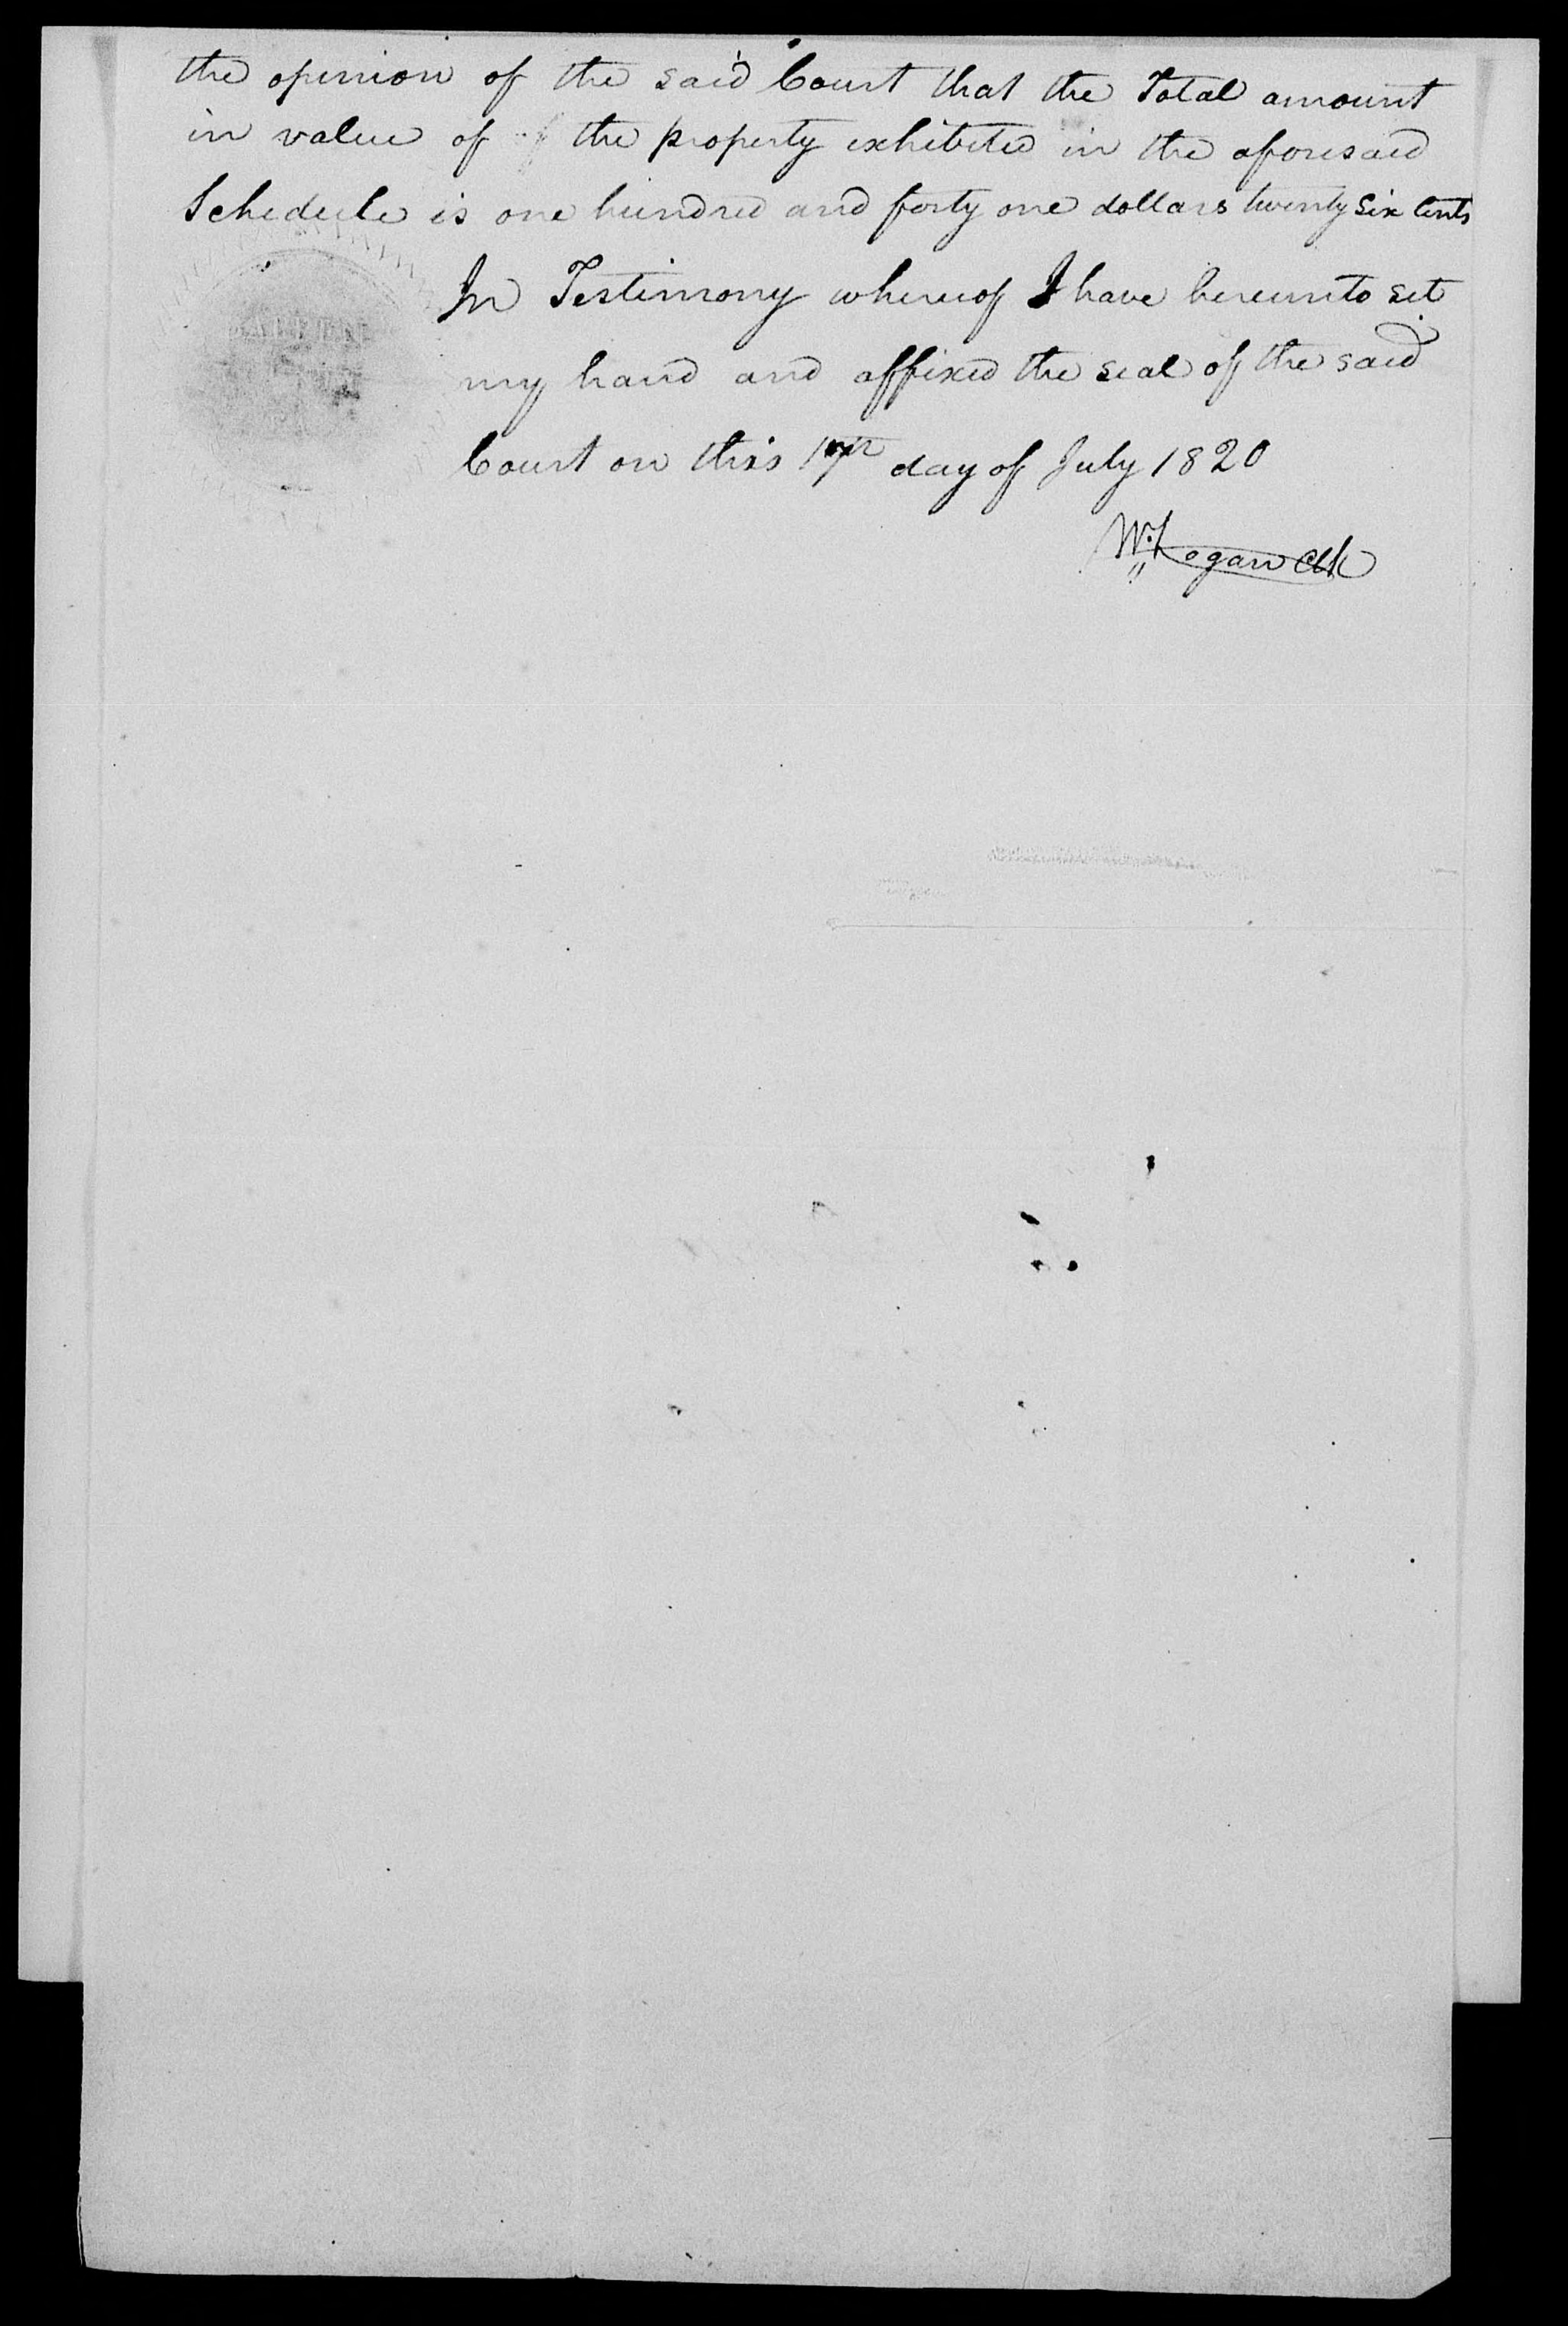the opinion of the said court that the total amount in value of the property exhibited in the aforesaid schedule is one hundred and forty-one dollars twenty-six cents.

In testimony whereof I have hereunto set my hand and affixed the seal of the said court on this 17th day of July 1820.

W. Logan - Clerk

SEAL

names: W Logan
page: 6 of 34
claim: survivor's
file: S. 36,051, for Samuel Luckett, Maryland